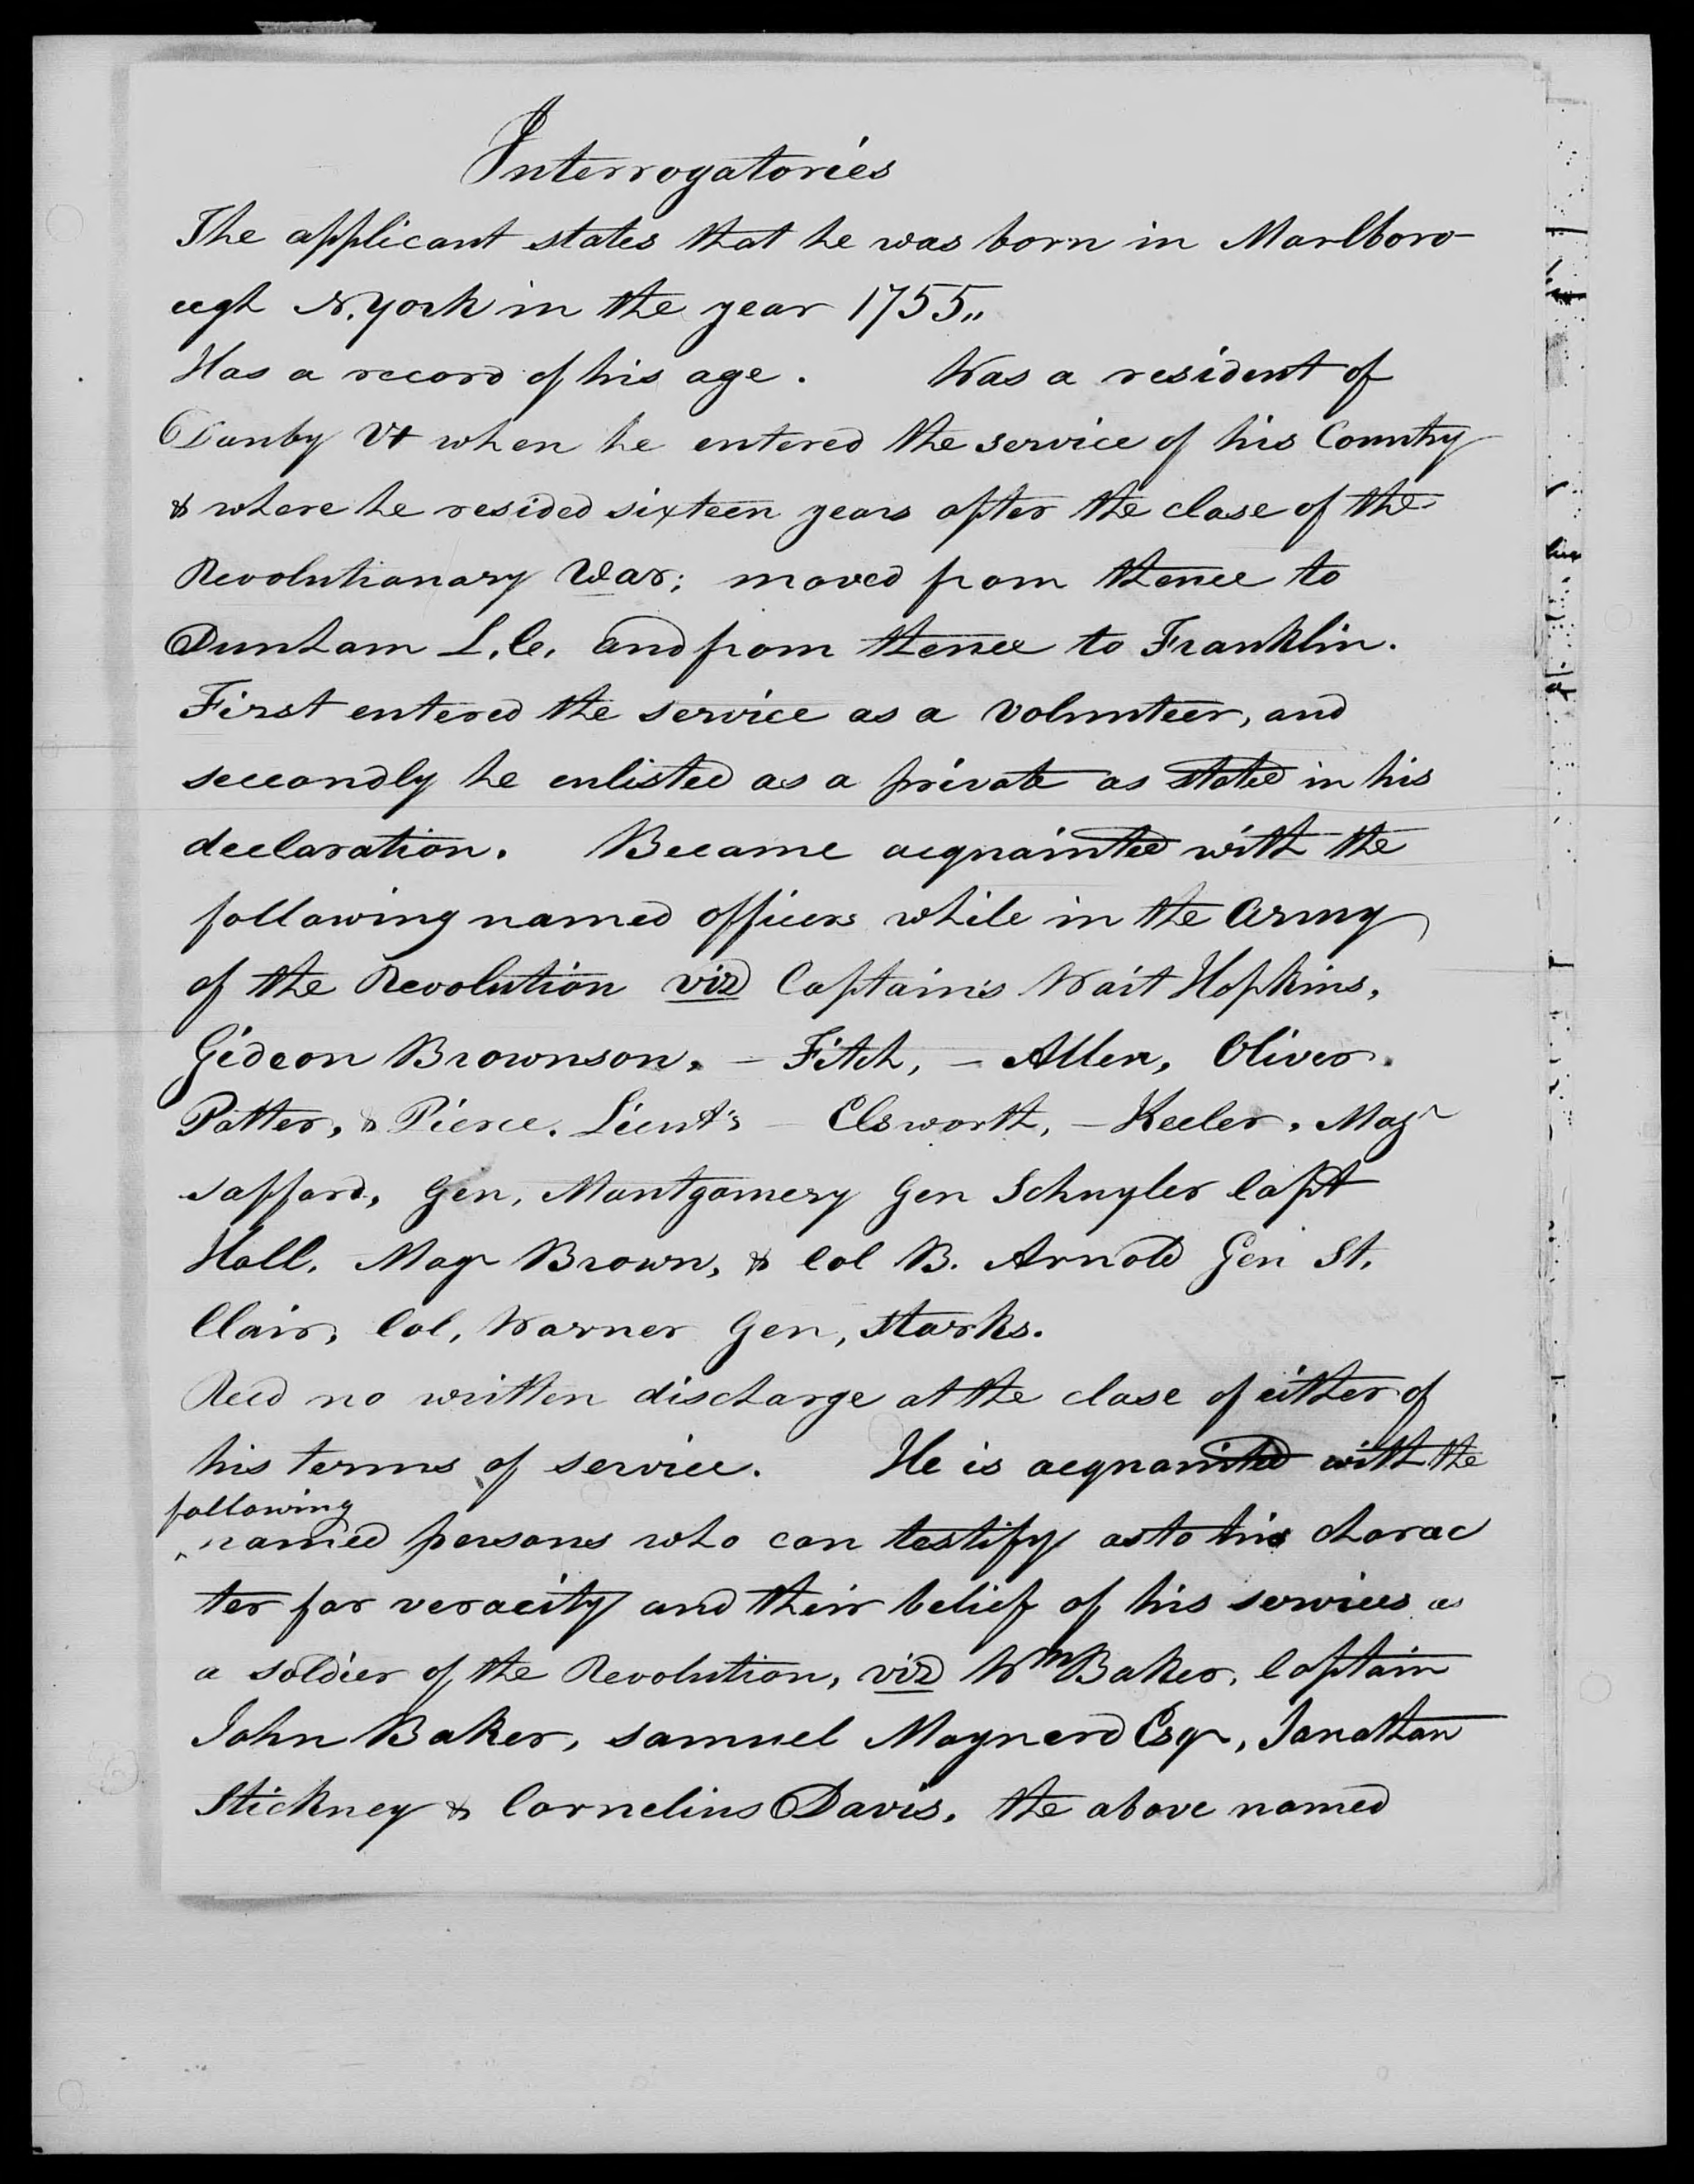Interrogatories
The applicant states that he was born in
Marlborough N. York in the year 1755.

Has a record of his age.

Was a resident of Danby Vt when he entered the service of his County & where he resided sixteen years after the close of the
Revolutionary War, moved from thence to Dunham L.C. [Lower Canada]and from thence to Franklin.

First entered the service as a volunteer, and
secondly he enlisted as a private as stated in his
declaration. 

Became acquainted with the
following named officers while in the Army
of the Revolution Viz Captains Wait Hopkins,
Gideon Brownson. Fitch, Allen, Oliver
Patter, & Pierce - Lieuts. Ellsworth, Keeler, Majr
Safford, Gen, Montgomery Gen Schuyler Capt
Hall, Majr Brown, & Col B. Arnold Gen St.
Clair Col Warner Gen. Starks.

Rec’d no written discharge at the close of either of
his terms of service.

He is acquainted with the following
named persons who can testify as to his character
 for veracity and their belief of his services as a
soldier of the Revolution, Viz Wm Baker, Captain
John Baker, Samuel Maynard Esqr, Jonathan
Stickney & Cornelius Davis, the above named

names: Oliver Potter; [BLANK] Safford; [BLANK] Fitch; John Baker; [BLANK] Elsworth; B Arnold; Samuel Maynard; [BLANK] St Clair; [BLANK] Allen; Wm Baker; [BLANK] Keeler; Gideon Brownson; Cornelius Davis; Wait Hopkins; [BLANK] Pierce; Jonathan Stickney; [BLANK] Warner; [BLANK] Hall; [BLANK] Schuyler; [BLANK] Starks; [BLANK] Montgomery; [BLANK] Brown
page: 8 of 99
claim: widow's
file: W. 24,482, for Richard Lattin, Vermont